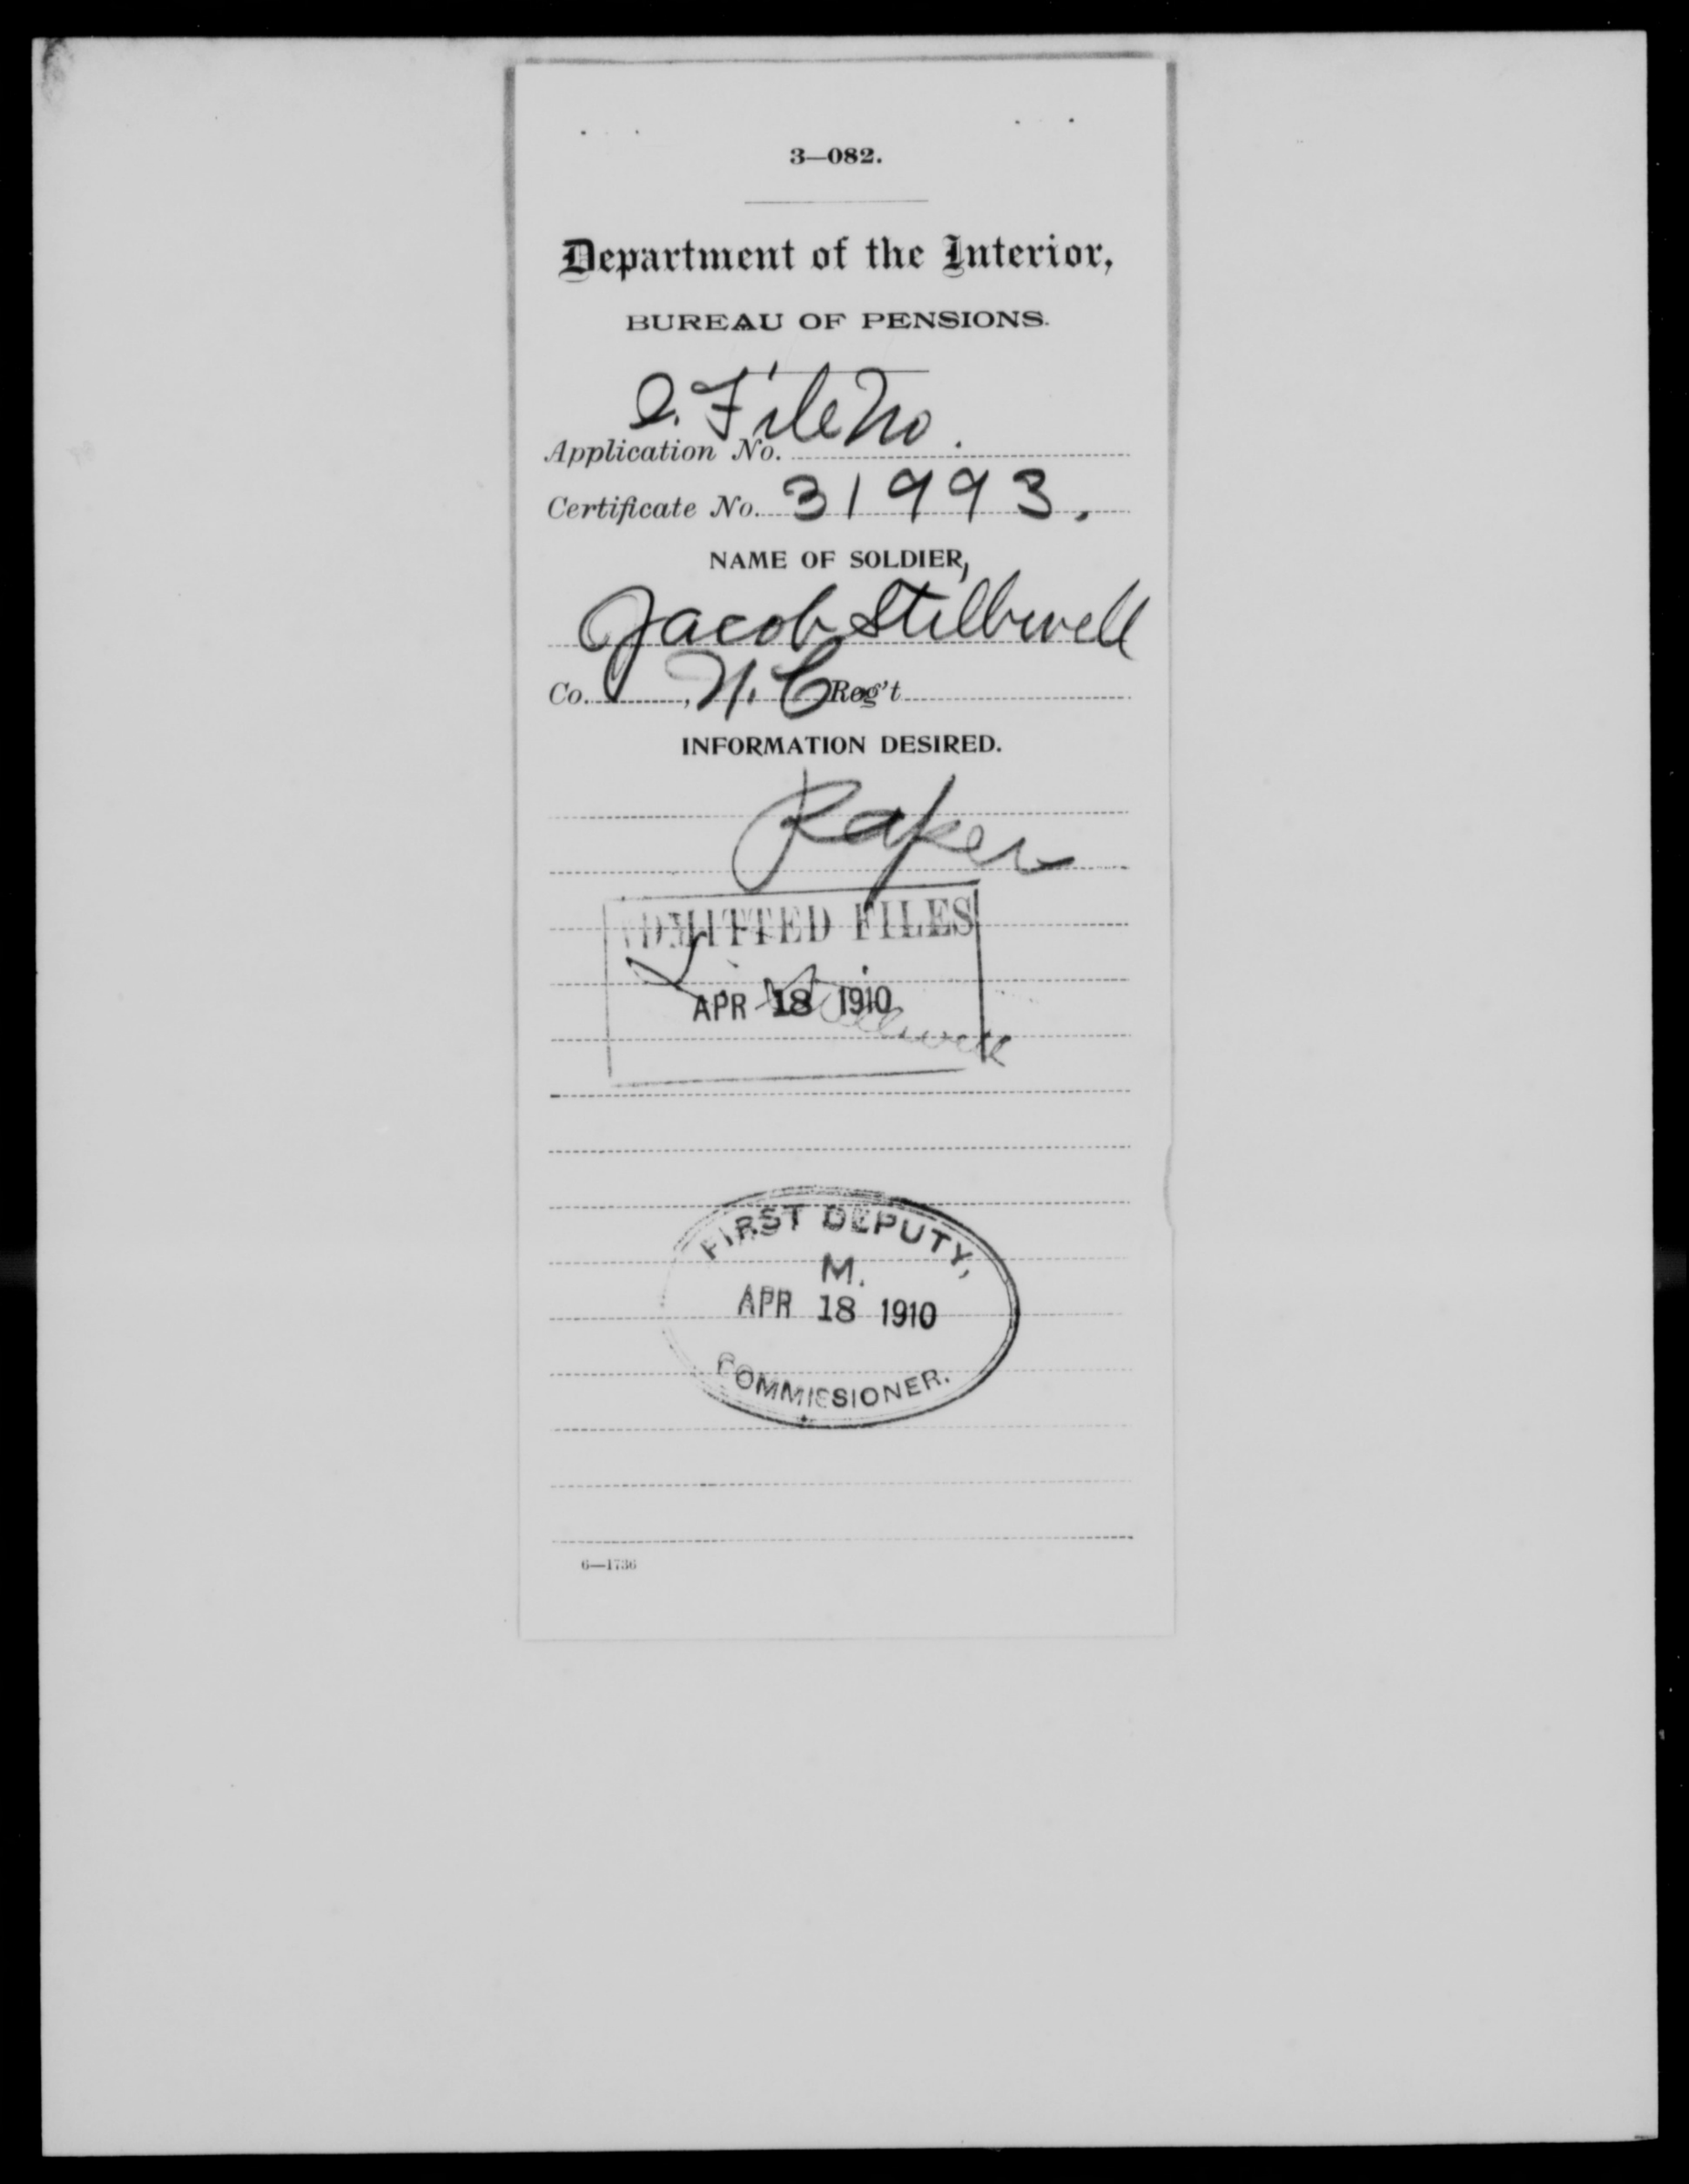3 -- 082.
Department of the Interior,
BUREAU OF PENSIONS.
J. File No
Application No.
Certificate No 31993,
NAME OF SOLDIER,
Jacob Stillwell
Co. N. C. Reg't
INFORMATION DESIRED.
Papers
[illegible] FILES
L. Stillwell
First Deputy
M.
APR 18 1910
Commissioner
6-1736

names: L Stillwell; Jacob Stillwell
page: 17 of 25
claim: survivor's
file: S. 31,993, for Jacob Stillwell, North Carolina